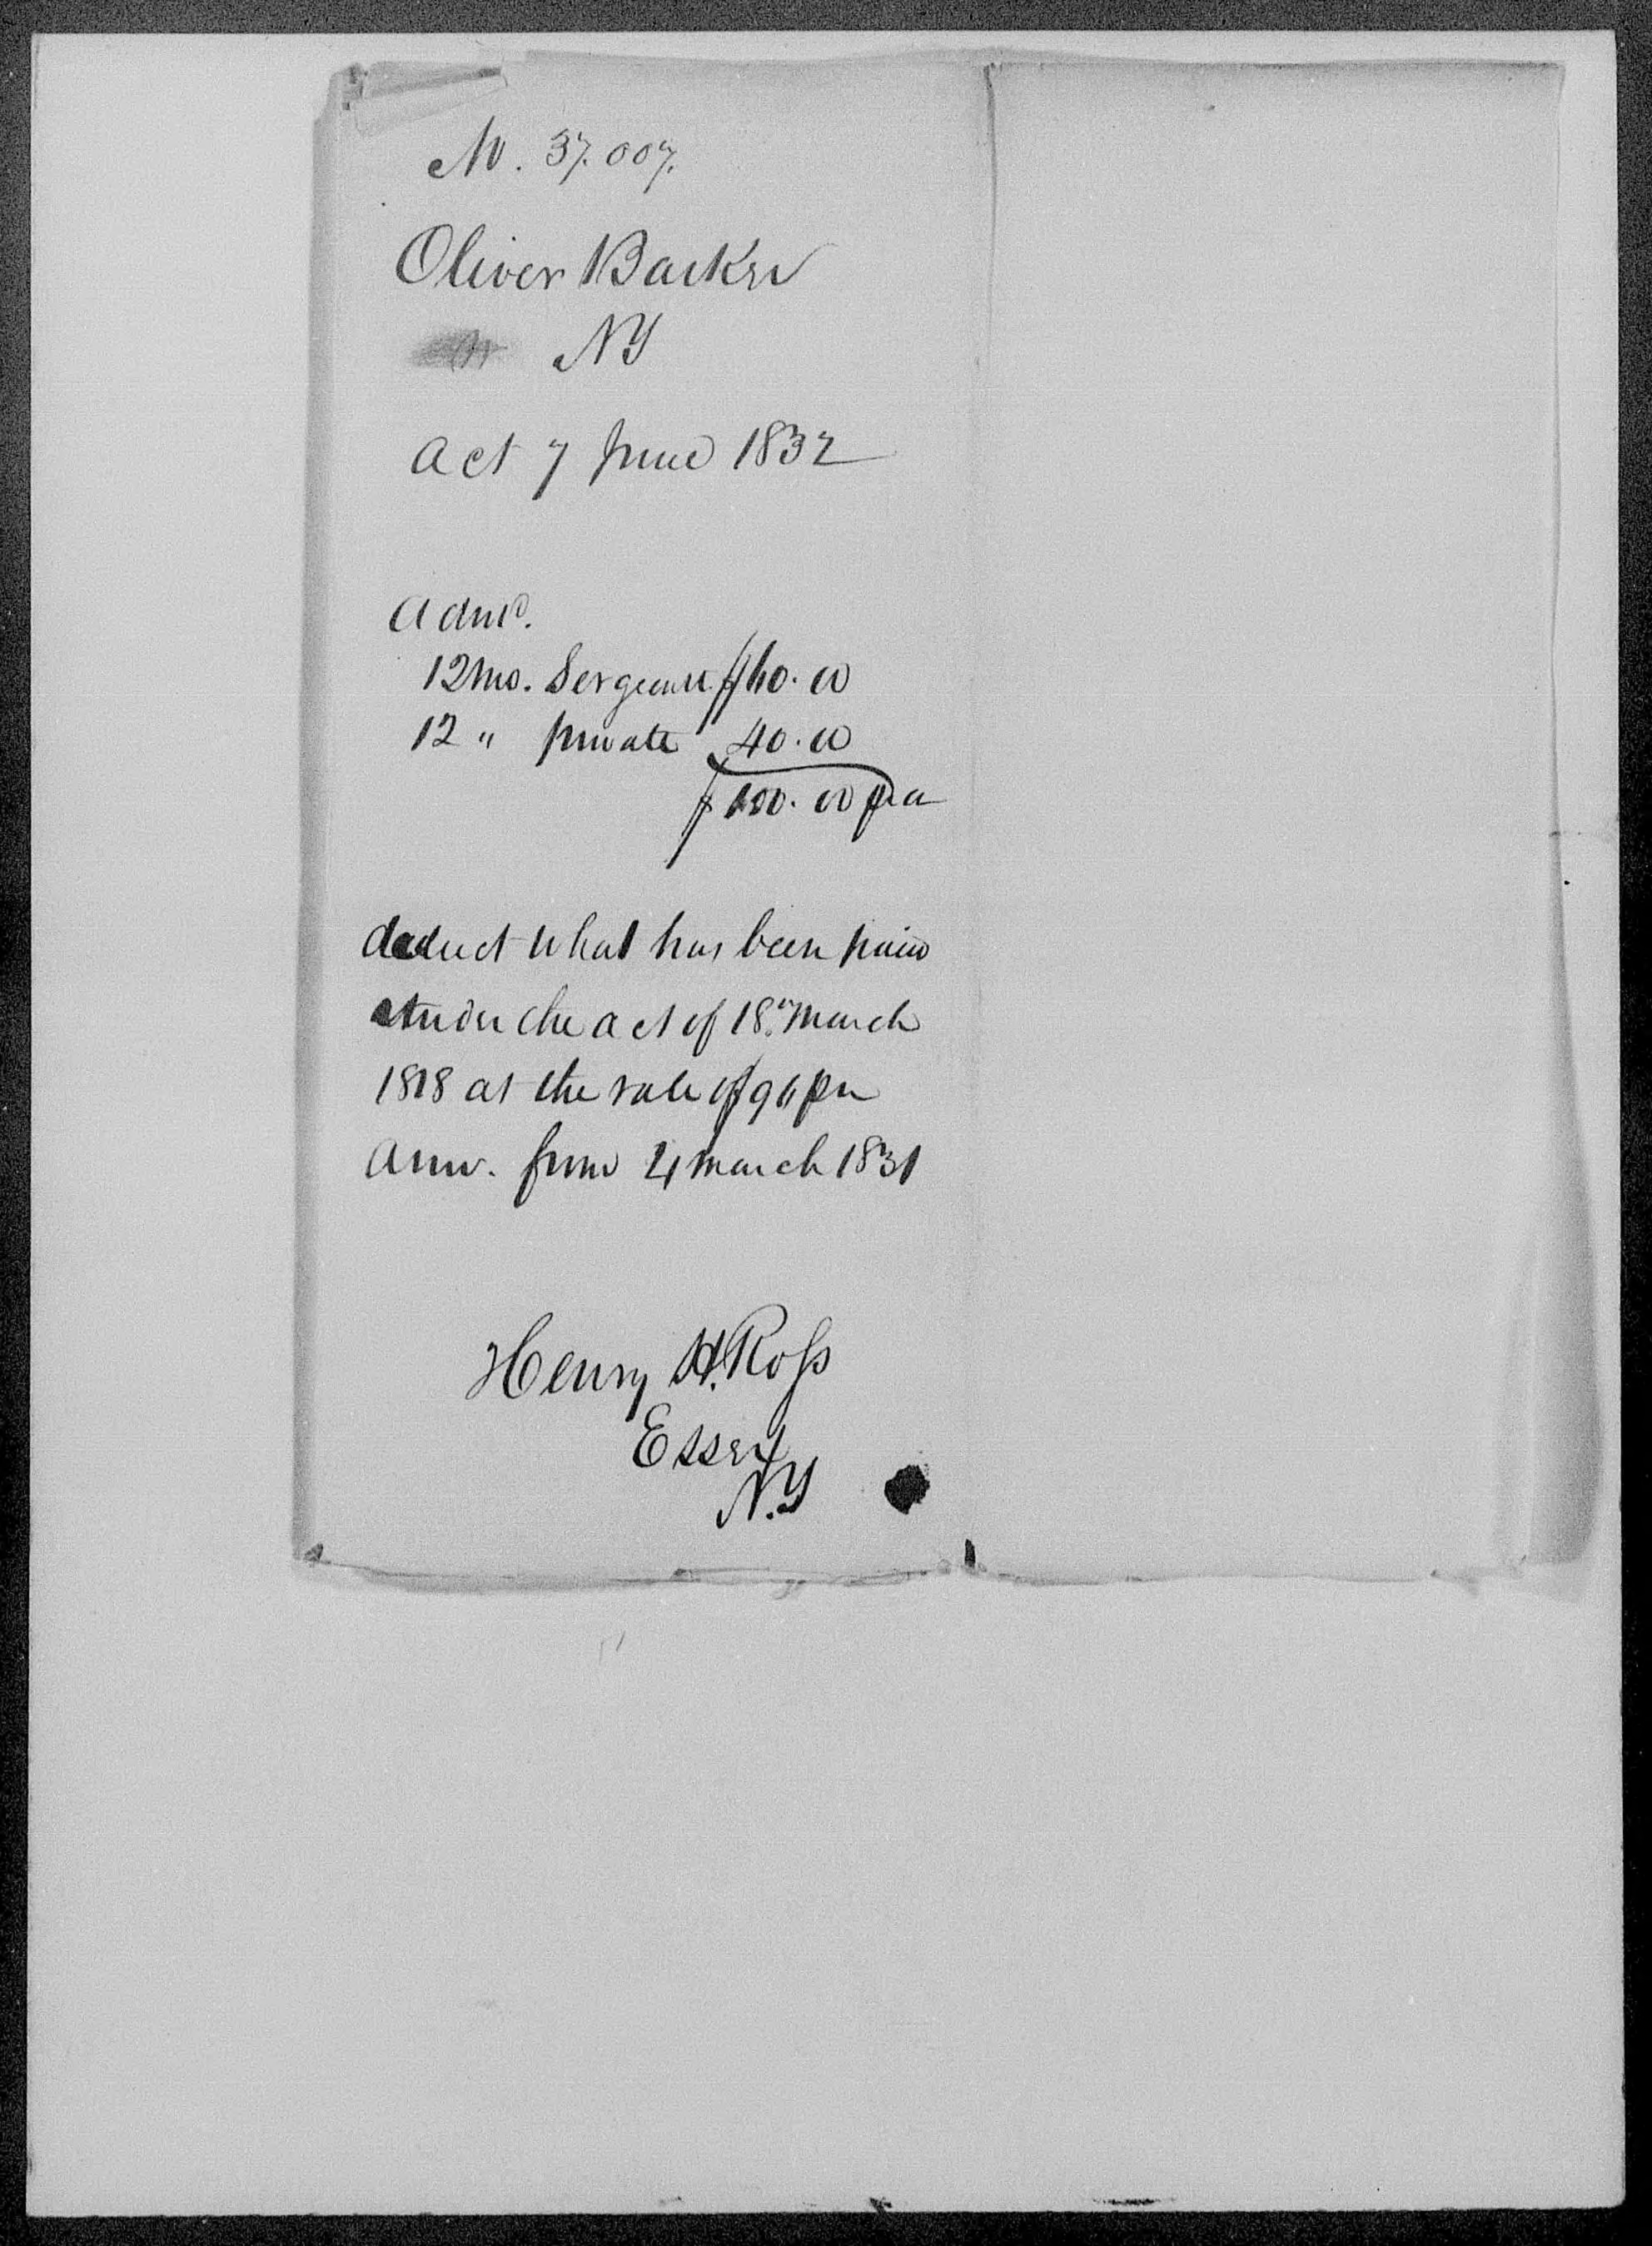No. 37.007 
Oliver Barker NY 
Act 7 June 1832 
Adm’d [admitted]  
12 mo Sergeant 60.00
12 Mo. private  40.00
$100.00 p/a
deduct what has been paid under the act of 18 March 1818 at the rate of 96 per year from 4 March 1831 
Henry H. Ross 
Essex NY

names: Oliver Barker, Henry H Ross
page: 32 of 51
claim: widow's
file: W. 1698, Oliver Barker, Conn.